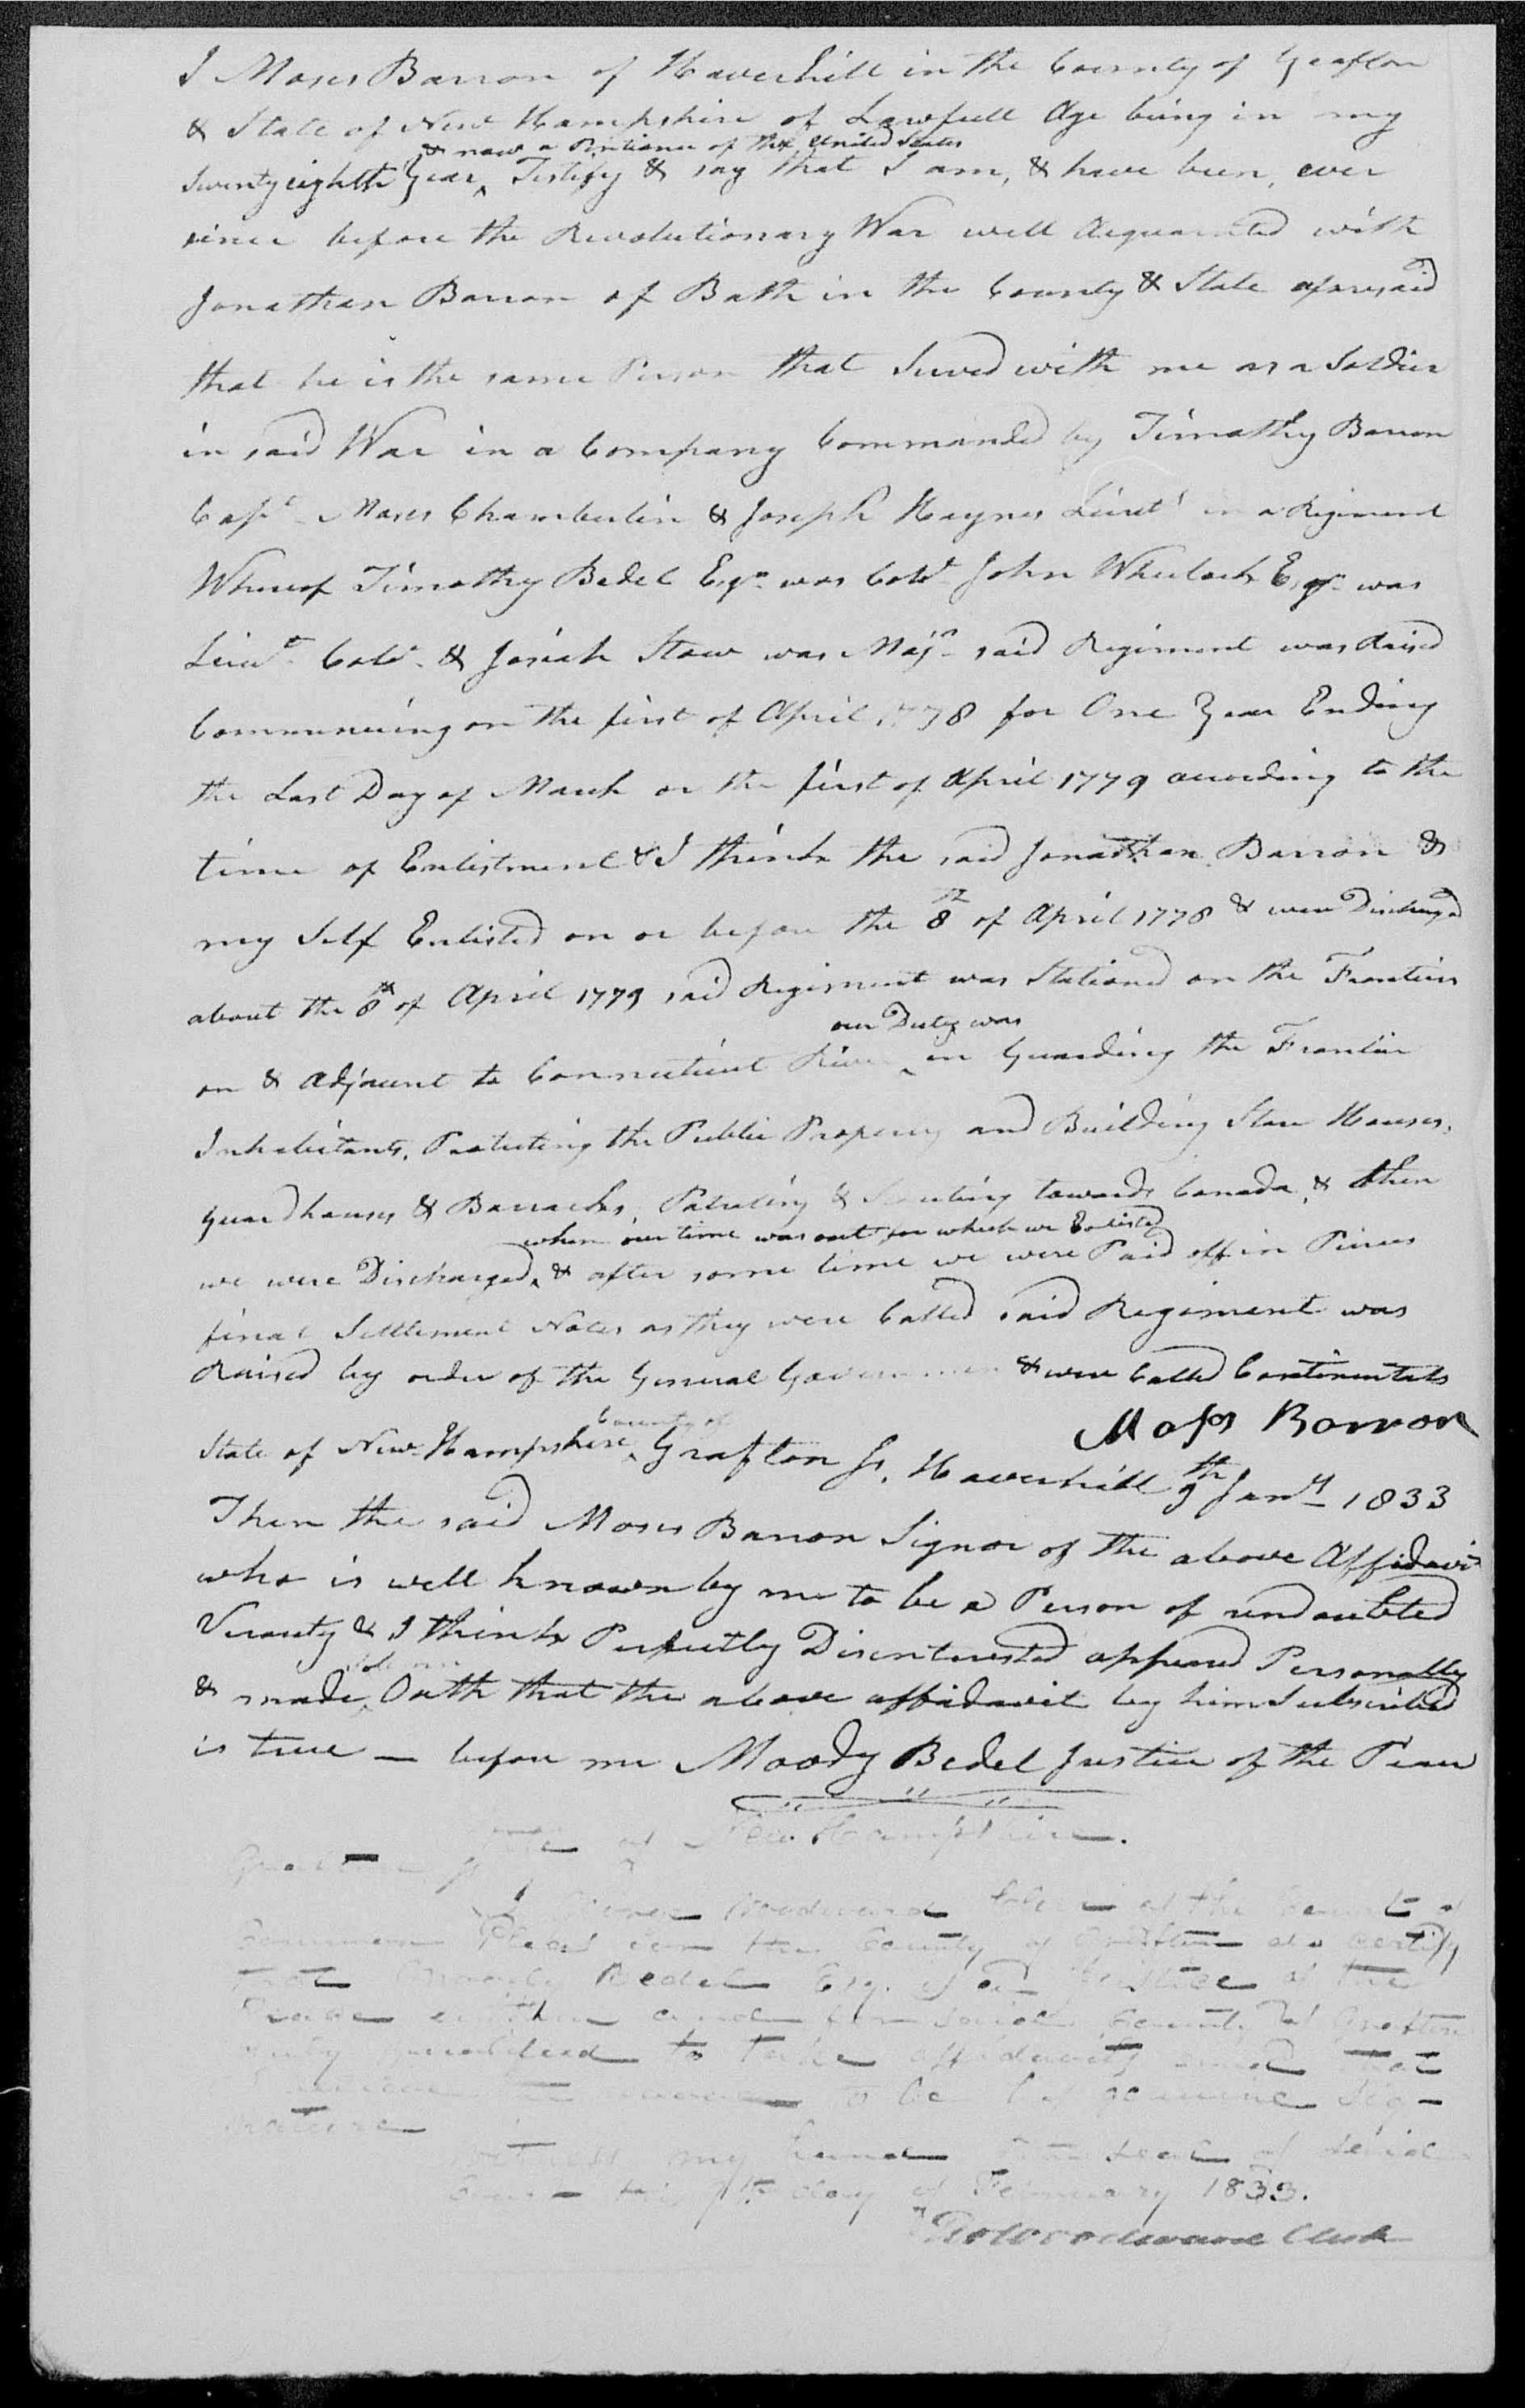I Moses Barron of Haverhill in the County of Grafton & State of New Hampshire of Lawfull age being in y Seventy eighth Year & now a Pentioner of the United States Testify & say that I am, & have been, ever since before the Revolutionary War well acquainted with Jonathan Barron of Bath in the County & State aforesaid that he is the same Person that lived with me as a Soldier in said War in a company commanded by Timothy Barron Cap't Moses Chamberlin & Joseph Haynes Lieut't in a Regiment Whereof Timothy Bedel Esq'r was Capt. John Wheelock Esq'r was Lieu't Col'l & Josiah Stow was Maj'r - said Regiment was raised commencing on the first of April 1778 for One Year ending the Last Day of March or the first of April 1779 according to the time of Enlistment & I think the said Jonathan Barron & my Self Enlisted on or before the 8th of April 1778 & was Discharged about the 8th of April 1779 said Regiment was Stationed on the Frontier on & adjacent to Connecticut River our Duty was in Guarding the Frontier Inhabitants, Protesting the Public Property and Building Stone Houses, guard houses & Barracks & Scouting towards Canada, & the we were Discharged when our time was out for which we Enlisted & after some time we were Paid off in Pierce's final Settlement Notes as they were called said Regiment was Raised by order of the General Government & were called Continentals 
/s/Moses Barron
State of New Hampshire County of Grafton ss. Haverhill 9th Jan'y 1833 
Then the said Moses Barron Signor of the above Affidavit who is well known by me to be a Person of undoubted Veracity & I think Perfectly Disinterested appeared Personally & made Oath that the above affidavit by him Subscribed is true - before me
/s/Moody Bedel Justice of the Peace
State of New Hampshire. 
Grafton ss I George Woodward Clerk of the Court of Common Pleas in the County of Grafton do certify that Moody Bedel Esq. is a Justice of the Peace within and for said County of Grafton duly qualified to take the affidavits and that I believe the  above to be his genuine Signature 
[court seal affixed] Witness my hand and seal of said Court this 9th day of February 1833. 
/s/Geo. Woodward Clerk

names: Joseph Haynes, Geo Woodward, Timothy Bedel, Moses Barron, John Wheelock, Jonathan Barron, Josiah Stow, Moses Barron, Moses Barron, Moody Bedel, Timothy Barron, Bedel, Jonathan Barron, Moses Chamberlin, George Woodward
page: 23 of 25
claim: survivor's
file: S. 28986, Jonathan Barron, N.H.